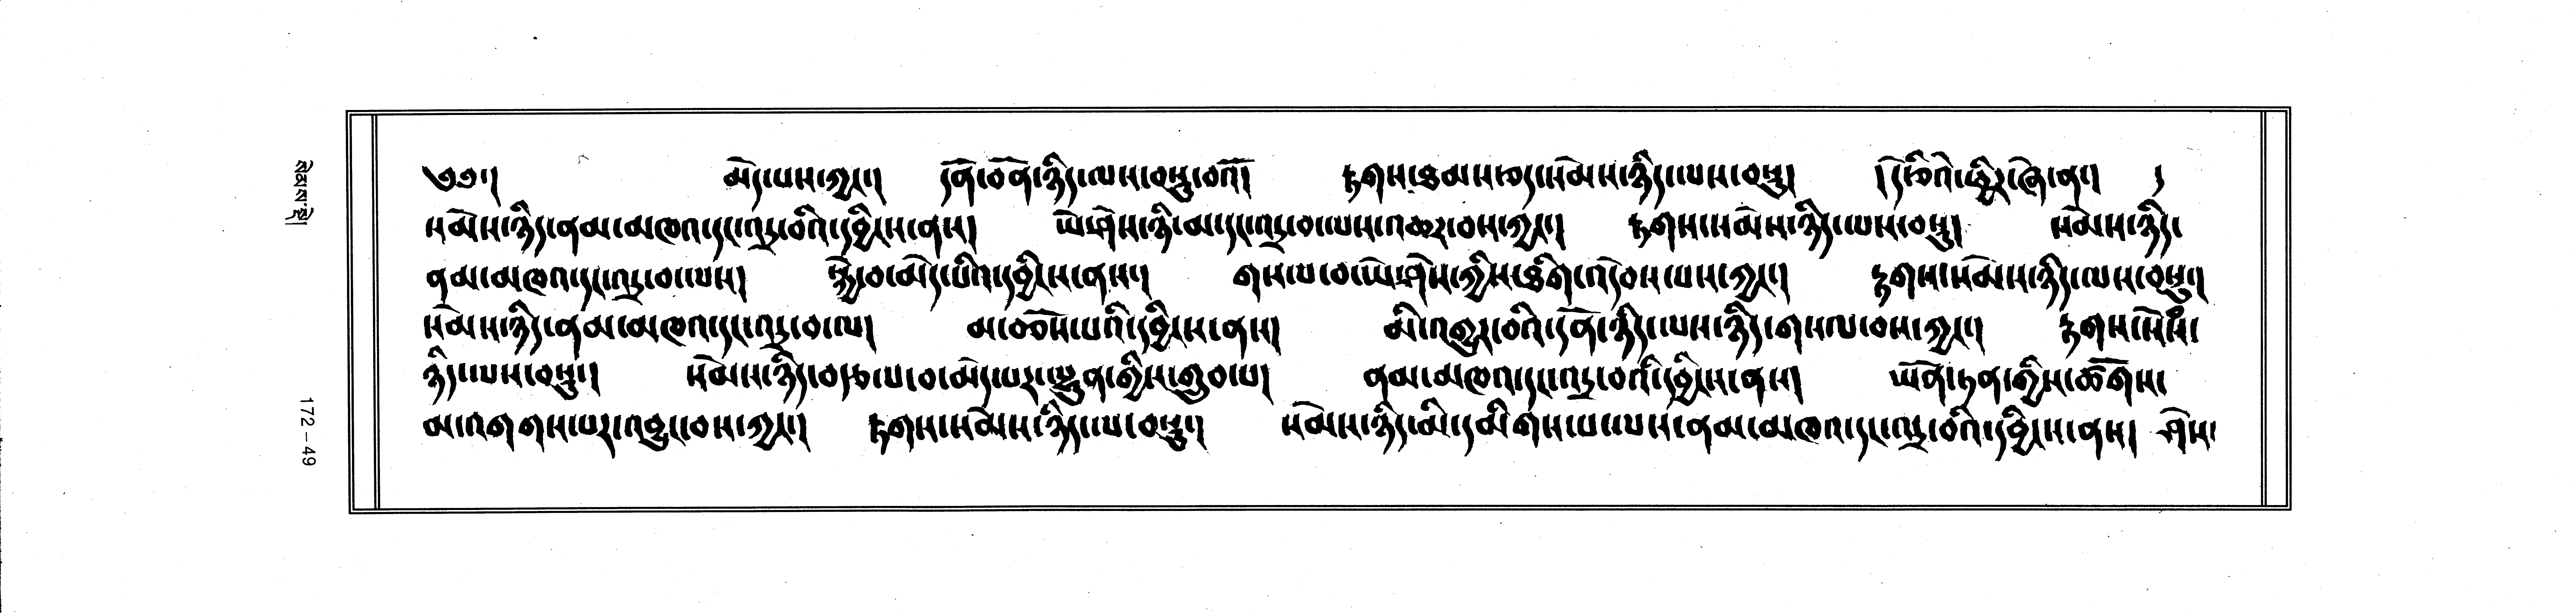མེད་པས་ཀྱང་། དོན་བོན་ཉིད་ལས་བསྡུ་བའོ། རྟགས་ཐམས་ཅད་སེམས་ཉིད་ལས་བསྡུ། དེ་ཅིའེ་ཕྱིར་ཞེ་ན། 
སེམས་ཉིད་ནམ་མཁའ་དང་འདྲ་བའི་དབྱིངས་ནས། ཡེ་ཤེས་ཉི་མ་དང་འདྲ་བ་ལས་འཆར་བས་ཀྱང་། རྟགས་སེམས་ཉིད་ལས་བསྡུ། སེམས་ཉིད་
ནམ་མཁའ་དང་འདྲ་བ་ལ། སྐྱེ་བ་མེད་པའི་དབྱིངས་ནས། གསལ་བ་ཡེ་ཤེས་ཀྱིས་ཐིག་འདེབས་པས་ཀྱང་། རྟགས་སེམས་ཉིད་ལས་བསྡུ། 
སེམས་ཉིད་ནམ་མཁའ་དང་འདྲ་བ་ལ། མ་བཅོས་པའི་དབྱིངས་ནས། མི་འགྱུར་བའི་དོན་ཉིད་ལས་ཉིད་གསལ་བས་ཀྱང་། རྟགས་སེམས་
ཉིད་ལས་བསྡུ། སེམས་ཉིད་བརྩལ་བ་མེད་པར་ལྷུན་གྱིས་གྲུབ་པ། ནམ་མཁའ་དང་འདྲ་བའི་དབྱིངས་ནས། ཡོན་ཏན་གྱིས་ཚོགས་
མ་འགགས་པར་འབྱུང་བས་ཀྱང་། རྟགས་སེམས་ཉིད་ལས་བསྡུ། སེམས་ཉིད་མི་དམིགས་པ་ལས་ནམ་མཁའ་དང་འདྲ་བའི་དབྱིངས་ནས། ཤེས་